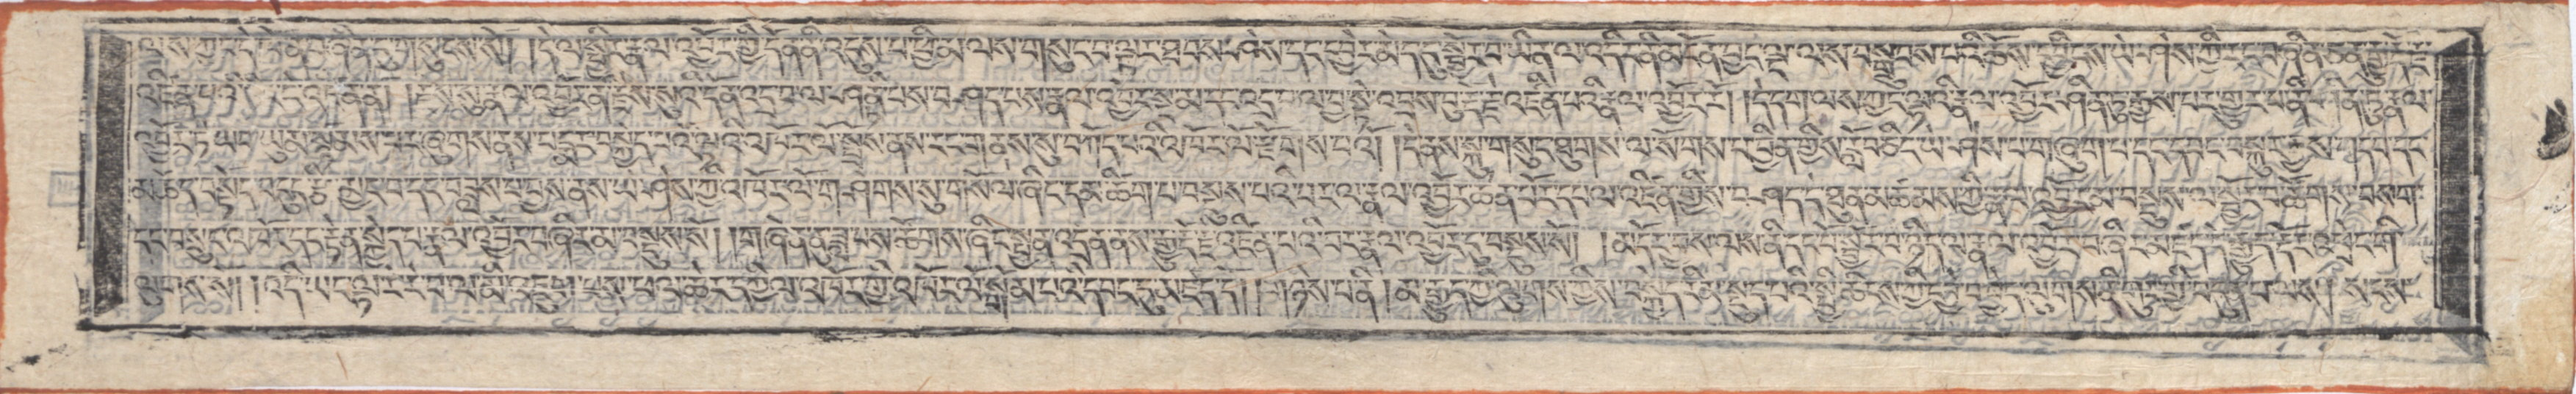ལས་ཀྱང་དེ་ཁོ་ན་བཞིན་དུ་གསུངས་སོ། །དེ་ལ་སྤྱིར་རྣལ་འབྱོར་གྱི་དོན་ནི་འདུས་པ་ཕྱི་མ་ལས་གསུང་བ་ལྟར་ཐབས་ཤེས་དང་དབྱེར་མེད་དུ་སྦྱོར་བ་ཡིན་ལ་འདིར་ནི་མངོན་བྱང་ལྔ་ལས་བསྒྲུབས་པའི་ཆོས་དབྱིངས་ཡེ་ཤེས་ཀྱི་རང་བཞིན་ཅན་རྒྱུ་རྡོ་རྗེ་
འཛིན་པའི་ཏིང་ངེ་འཛིན་ནོ། །རྗེས་སུ་རྣལ་འབྱོར་ནི་རྗེས་སུའི་དོན་འདྲ་བ་ལ་ཤནྟི་པས་བཤད་པས་རྣལ་འབྱོར་སྔ་མ་དང་འདྲ་བ་ལ་བྱ་སྟེ་འབྲས་བུ་རྡོ་རྗེ་འཛིན་པའི་རྣལ་འབྱོར་རོ། །དེ་དག་ལས་ཀྱང་ལྷའི་རྣལ་འབྱོར་ཤིན་ཏུ་རྒྱས་པར་གྱུར་པ་ནི་ཤིན་ཏུ་རྣལ་
འབྱོར་ཏེ་ཡབ་ཡུམ་སྙོམས་པར་ཞུགས་ནས་པདམར་བསྐྱེད་པའི་ལྷའི་འཁོར་ལོ་སྤྲོས་ནས་རང་གནས་སུ་བཀོད་པའི་འཁོར་ལོ་རྫོགས་པའོ། །དེ་ནས་སྐུ་གསུང་ཐུགས་ལ་སོགས་པ་བྱིན་གྱིས་རློབ་ཅིང་ཡེ་ཤེས་པ་གཞུག་པ་དང་དབང་བསྐུར་རྒྱས་གདབ་དང་
མཆོད་བསྟོད་བདུད་རྩི་མྱང་བ་དང་བཟླས་པ་བྱས་ནས་ཡེ་ཤེས་ཀྱི་འཁོར་ལོ་གཤེགས་སུ་གསོལ་ཞིང་དམ་ཚིག་པ་བསྡུས་པའི་བར་ལ་རྣལ་འབྱོར་ཆེན་པོར་དཔལ་འཛིན་གྱིས་བཤད་དེ་ཐུན་མཚམས་ཀྱི་རྣལ་འབྱོར་མ་བསྡུས་ལ་སྦྱོར་བ་ཚོགས་བསག་
དང་བསྲུང་འཁོར་དང་རྟེན་སྐྱེད་པ་རྣལ་འབྱོར་བཞིར་མ་བསྡུས་སོ། །གཞོན་ནུ་ཟླ་པས་ཚོགས་ཞིང་སྤྱན་འདྲེན་ནས་རྒྱུ་རྡོ་རྗེ་འཛིན་པའི་བར་རྣལ་འབྱོར་དུ་བསྡུས་སོ། །མདོར་བྱས་ལས་ནི་དང་པོ་སྦྱོར་བ་ཉིད་ལ་རྣལ་འབྱོར་བཞིར་མཛད་དེ་རྒྱུད་རྡོར་འཕྲེང་གི་
ལུགས་སོ། །འདི་ཡང་ལྷ་རེ་རེ་བ་ལ་མི་འཇུག་པས་ཕལ་ཆེར་དཀྱིལ་འཁོར་གྱི་འཁོར་ལོ་སྒོམ་པའི་དབང་དུ་མཛད་དོ། །གཉིས་པ་ནི། མ་རྒྱུད་ཀྱི་ལུགས་ཀྱིས་བསྐྱེད་རིམ་སྡུད་པའི་སྤྱི་ཆིངས་ཀྱི་དབྱེ་བ་བྱེད་ལུགས་ནི་གུར་གྱི་བདུན་པ་ལས། སངས་